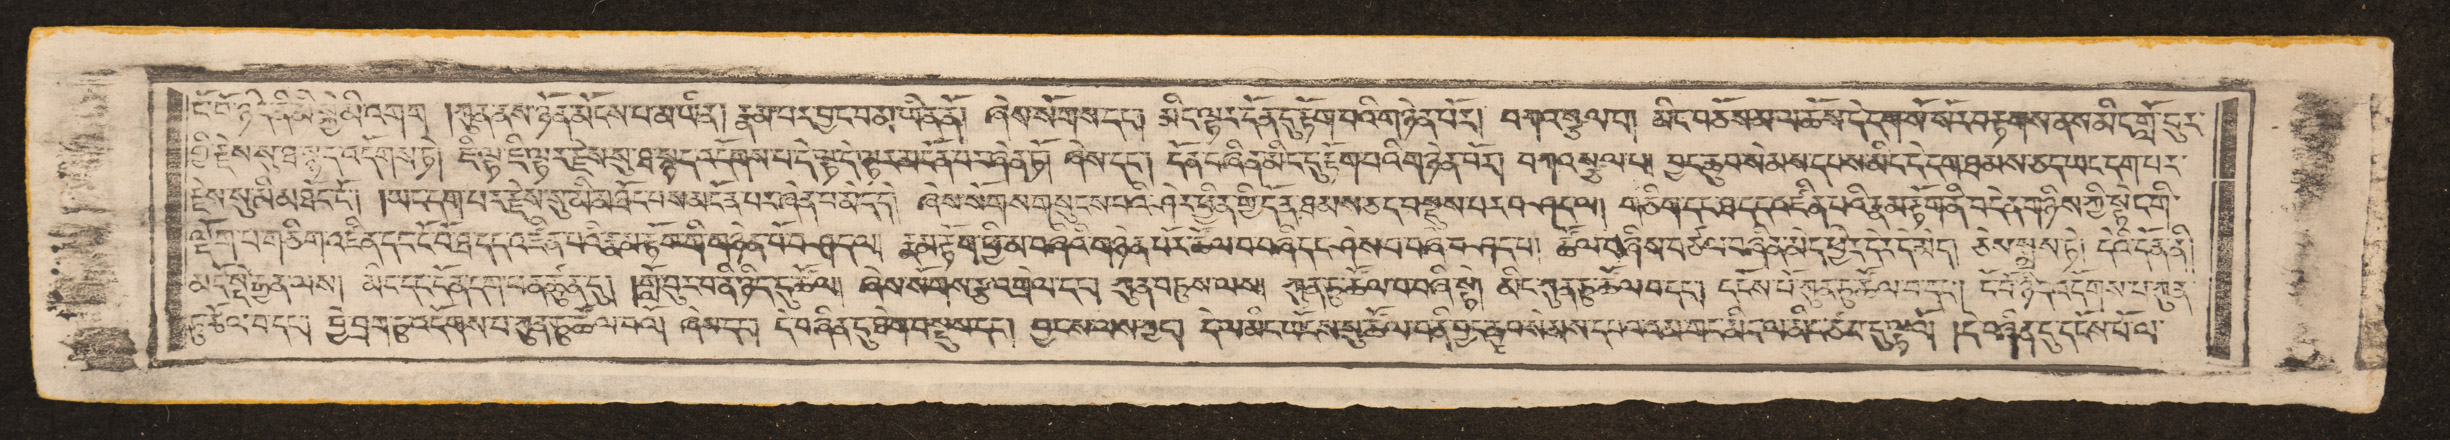ངོ་བོ་ཉིད་ནི་མི་སྐྱེ་མི་འགག །ཀུན་ནས་ཉོན་མོངས་པ་མ་ཡིན། རྣམ་པར་བྱང་བ་མ་ཡིན་ནོ། ཞེས་སོགས་དང་། མིང་ལྟར་དོན་དུ་རྟོག་པའི་གཉེན་པོར། བཀའ་སྩལ་པ། མིང་བཅོས་མ་ལ་ཆོས་དེ་དག་སོ་སོར་བརྟགས་ནས་མིང་གློ་བུར་
གྱི་རྗེས་སུ་ཐ་སྙད་འདོགས་ཏེ། ཇི་ལྟ་ཇི་ལྟར་རྗེས་སུ་ཐ་སྙད་འདོགས་པ་དེ་ལྟ་དེ་ལྟར་མངོན་པར་ཞེན་ཏོ། ཞེས་དང་། དོན་བཞིན་མིང་དུ་རྟོག་པའི་གཉེན་པོར། བཀའ་སྩལ་པ། བྱང་ཆུབ་སེམས་དཔས་མིང་དེ་དག་ཐམས་ཅད་ཡང་དག་པར་
རྗེས་སུ་མི་མཐོང་ངོ། །ཡང་དག་པར་རྗེས་སུ་མི་མཐོང་པས་མངོན་པར་ཞེན་པ་མེད་དེ། ཞེས་སོགས་གསུངས་པའི་ཤེར་ཕྱིན་གྱི་དོན་ཐམས་ཅད་བསྡུས་པར་བཤད་ལ། གཅིག་དང་ཐ་དད་འཛིན་པའི་རྣམ་རྟོག་ནི་བདེན་གཉིས་ཀྱི་སྟེང་གི་
ལྡོག་པ་གཅིག་འཛིན་དང་ངོ་བོ་ཐ་དད་འཛིན་པའི་རྣམ་རྟོག་གི་གཉེན་པོ་བཤད་ལ། རྣམ་རྟོག་ཕྱི་མ་བཞིའི་གཉེན་པོར་ཚོལ་བ་བཞི་དང་ཤེས་པ་བཞི་བཤད་པ། ཚོལ་བཞིས་བཙལ་བཞིན་མེད་ཕྱིར་དེར་དེ་མེད། ཅེས་སྨྲས་ཏེ། དེའི་དོན་ནི།
མདོ་སྡེ་རྒྱན་ལས། མིང་དང་དོན་དག་ཕན་ཚུན་དུ། །གློ་བུར་བ་ནི་ཉིད་དུ་ཚོལ། ཞེས་སོགས་རྩ་འགྲེལ་དང་། ཀུན་བཏུས་ལས། ཀུན་ཏུ་ཚོལ་བ་བཞི་སྟེ། མིང་ཀུན་ཏུ་ཚོལ་བ་དང་། དངོས་པོ་ཀུན་ཏུ་ཚོལ་བ་དང་། ངོ་བོ་ཉིད་འདོགས་པ་ཀུན་
ཏུ་ཚོལ་བ་དང་། བྱེ་བྲག་ཏུ་འདོགས་པ་ཀུན་ཏུ་ཚོལ་བའོ། ཞེས་དང་། དེ་བཞིན་དུ་ཐེག་བསྡུས་དང་། བྱང་ས་ལས་ཀྱང་། དེ་ལ་མིང་ཡོངས་སུ་ཚོལ་བ་ནི་བྱང་ཆུབ་སེམས་དཔའ་འམ་གང་མིང་ལ་མིང་ཙམ་དུ་ལྟའོ། །དེ་བཞིན་དུ་དངོས་པོ་ལ་